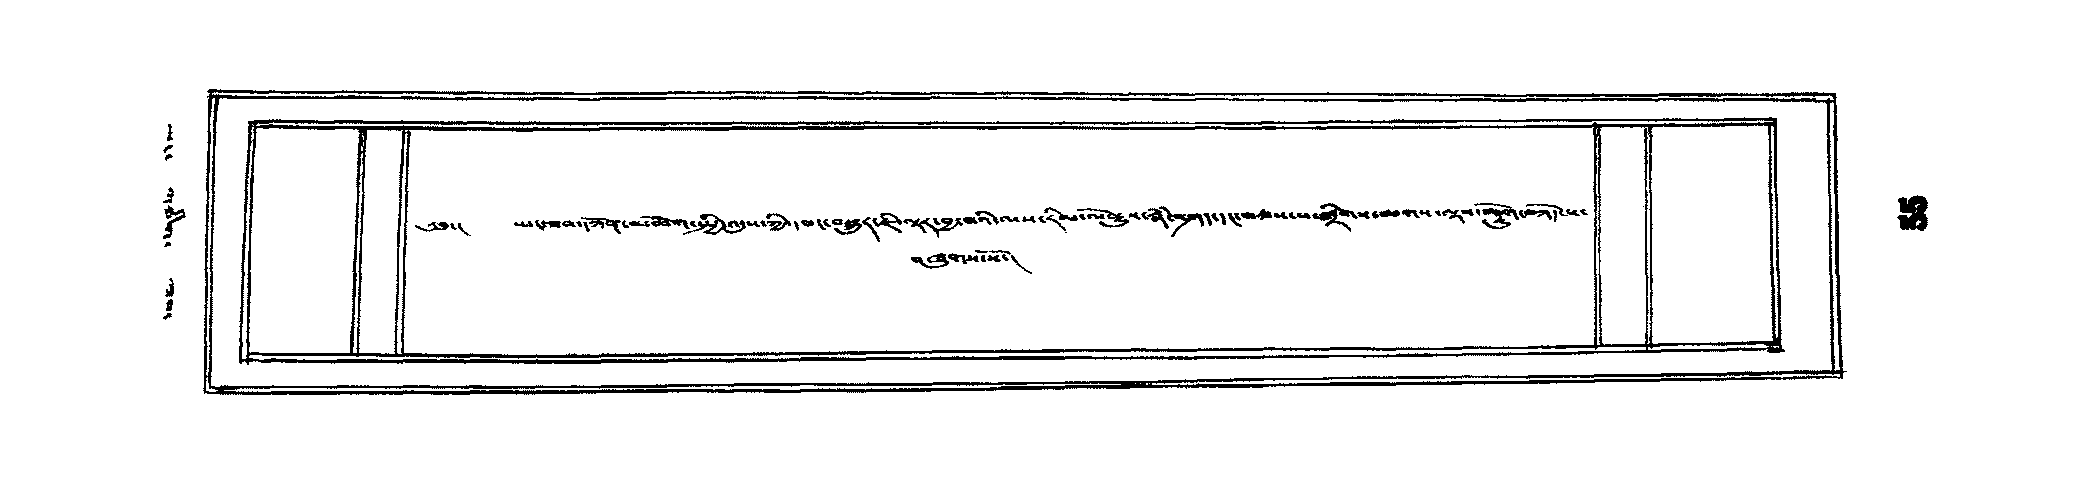༄༅། ཡང་ཟབ་དཀོན་མཆོག་སྤྱི་འདུས་ཀྱི་དབང་བསྐུར་ཇི་ལྟར་བྱ་བའི་ལས་རིམ་ལོ་རྒྱུས་རྣམ་བཤད་དང་བཅས་པ་སྒྲིགས་ཆགས་ལྟས་ཆོག་ཏུ་བཀོད་པ་
བཞུགས་སོ།